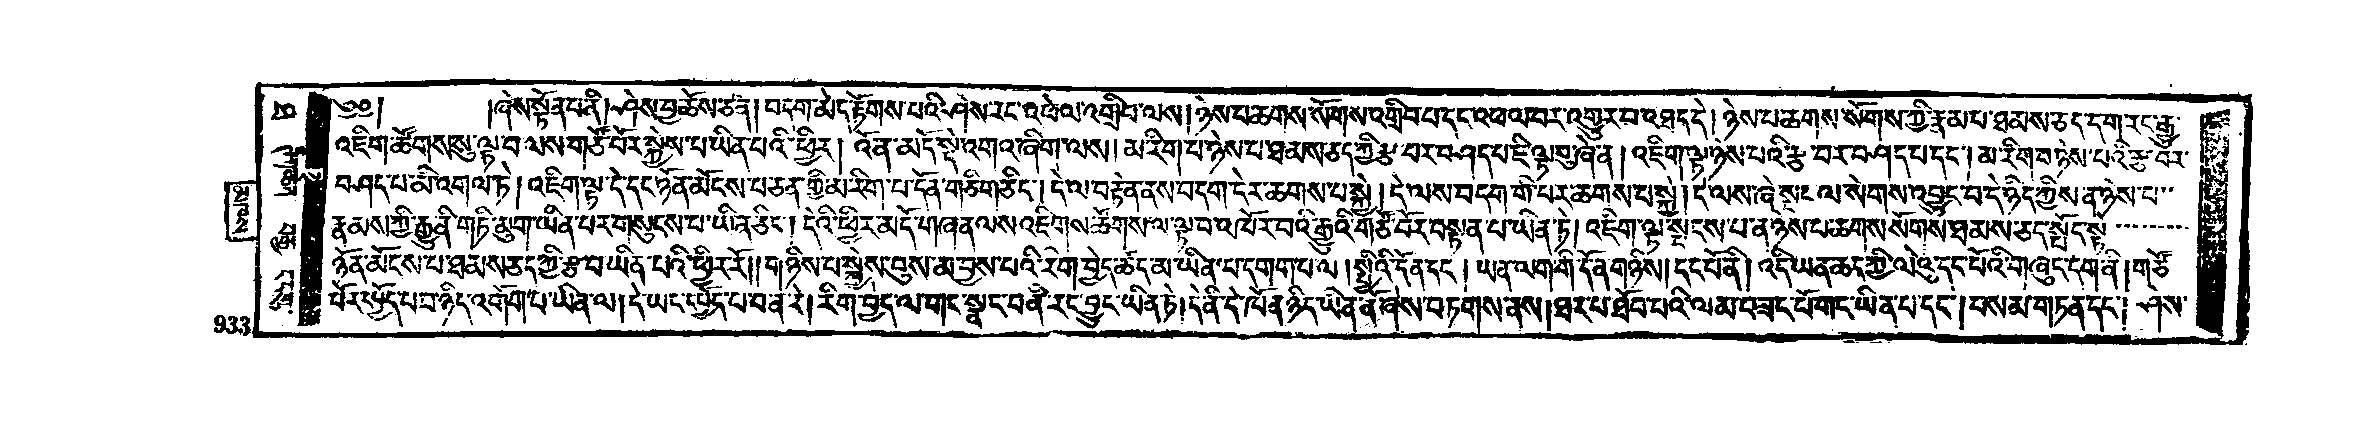༄༅། །ཞེས་སྟོན་པ་ནི། ཤེས་བྱ་ཆོས་ཅན། བདག་མེད་རྟོགས་པའི་ཤེས་རབ་འཕེལ་འགྲིབ་ལས། ཉེས་པ་ཆགས་སོགས་འགྲིབ་པ་དང་འཕེལ་བར་འགྱུར་བ་འཐད་དེ། ཉེས་པ་ཆགས་སོགས་ཀྱི་རྣམ་པ་ཐམས་ཅད་དག་རང་རྒྱུ་
འཇིག་ཚོགས་སུ་ལྟ་བ་ལས་གཙོ་བོར་སྐྱེས་པ་ཡིན་པའི་ཕྱིར། འོ་ན་མདོ་སྡེ་འགའ་ཞིག་ལས། མ་རིག་པ་ཉེས་པ་ཐམས་ཅད་ཀྱི་རྩ་བར་བཤད་པ་ཇི་ལྟ་བུ་ཞེ་ན། འཇིག་ལྟ་ཉེས་པའི་རྩ་བར་བཤད་པ་དང་། མ་རིག་པ་ཉེས་པའི་རྩ་བར་
བཤད་པ་མི་འགལ་ཏེ། འཇིག་ལྟ་དེ་དང་ཉོན་མོངས་པ་ཅན་གྱི་མ་རིག་པ་དོན་གཅིག་ཅིང་། དེ་ལ་བརྟེན་ནས་བདག་དེར་ཆགས་པ་སྐྱེ། དེ་ལས་བདག་གི་པར་ཆགས་པ་སྐྱེ། དེ་ལས་ཞེ་སྡང་ལ་སོགས་འབྱུང་བ་དེ་ཉིད་ཀྱིས་ན་ཉེས་པ་
རྣམས་ཀྱི་རྒྱུ་ནི་གཏི་མུག་ཡིན་པར་གསུངས་པ་ཡིན་ཅིང་། དེའི་ཕྱིར་མདོ་གཞན་ལས་འཇིགས་ཚོགས་ལ་ལྟ་བ་འཁོར་བའི་རྒྱུའི་གཙོ་བོར་བསྟན་པ་ཡིན་ཏེ། འཇིག་ལྟ་སྤངས་པ་ན་ཉེས་པ་ཆགས་སོགས་ཐམས་ཅད་སྤོང་སྟེ་
ཉོན་མོངས་པ་ཐམས་ཅད་ཀྱི་རྩ་བ་ཡིན་པའི་ཕྱིར་རོ། །གཉིས་པ་སྐྱེས་བུས་མ་བྱས་པའི་རིག་བྱེད་ཚད་མ་ཡིན་པ་དགག་པ་ལ། སྤྱིའི་དོན་དང་། ཡན་ལག་གི་དོན་གཉིས། དང་པོ་ནི། འདི་ཡན་ཆད་ཀྱི་ལེའུ་དང་པོའི་གཞུང་དག་ནི། གཙོ་
པོར་དཔྱོད་པ་བ་ཉིད་འགོག་པ་ཡིན་ལ། དེ་ཡང་དཔྱོད་པ་བ་ན་རེ། རིག་བྱེད་ལ་གང་སྣང་བ་ནི་རང་བྱུང་ཡིན་ཏེ། དེ་ནི་དེ་ཁོ་ན་ཉིད་ཡིན་ནོ་ཞེས་བཏགས་ནས། ཐར་པ་ཐོབ་པའི་ལམ་བཟང་པོ་གང་ཡིན་པ་དང་། བསམ་གཏན་དང་། ཤེས་